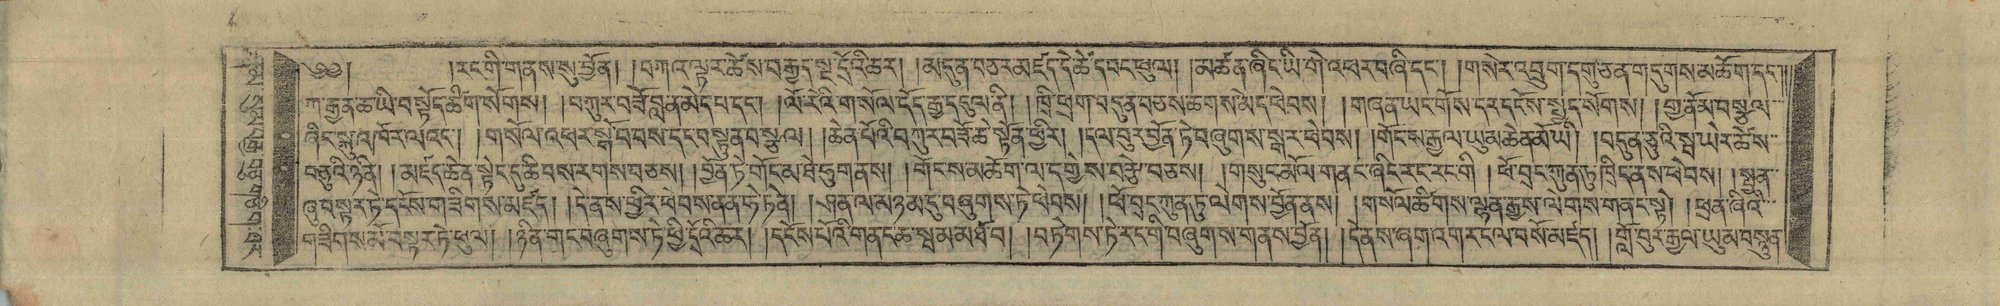༄༅། །རང་གི་གནས་སུ་བྱོན། །བཀའ་ལྟར་ཚེས་བརྒྱད་སྔ་དྲོའི་ཆར། །མདུན་བཅར་མཛད་དེ་ཚེ་དབང་ཕུལ། །མཚན་ཞིང་ཡི་གེ་འཕར་བཞི་དང་། །གསེར་འབྲུག་དགུ་ཅན་གདུགས་མཆོག་དང།།
ཀ་རྒྱན་ཆ་ཡི་བསྟོད་ཚིག་སོགས། །བཀུར་བཟོ་བླ་ན་མེད་པ་དང་། །ལོ་རེའི་གསོལ་དོད་རྒྱ་དངུལ་ནི། །ཁྲི་ཕྲག་བདུན་བཅས་ཆགས་མེད་ཕེབས། །གཞན་ཡང་གོས་དར་དངོས་སྤྱད་སོགས། །གྱ་ནོམ་བསྩལ་
ཞིང་སྐུ་འཁོར་ལའང་། །གསོལ་འཕར་སྒོ་བབས་དང་བསྟུན་བསྩལ། །ཆེན་པོའི་བཀུར་བཟོ་ཆེ་སྟོན་ཕྱིར། །དལ་བུར་བྱོན་ཏེ་བཞུགས་སྒར་ཕེབས། །གོང་ས་རྒྱལ་ཡུམ་ཆེན་མོ་ཡི། །བདུན་ཅུའི་སྦ་ཡེར་ཚེས་
བཅུའི་ཉིན། །མཛད་ཆེན་སྟེང་དུ་ཆིབས་རགས་བཅས། །བྱོན་ཏེ་གོང་མ་ཐེ་ཧུག་ནས། །གོང་ས་མཆོག་ལ་དགྱེས་བརྩེ་བཅས། །གསུང་མོལ་གནང་ཞིང་རང་རང་གི །ཕོ་བྲང་ཀུན་ཏུ་ཁྲིད་ནས་ཕེབས། །སྤྱན་
ཞུ་བསྟར་ཏེ་དངོས་གཟིགས་མཛད། །དེ་ནས་ཕྱིར་ཕེབས་ནན་ཧེ་ཏེན། །ཤན་ལ་མཉམ་དུ་བཞུགས་ཏེ་ཕེབས། །ཕོ་བྲང་ཀུན་ཏུ་ལེགས་བྱོན་ནས། །གསོལ་ཚིགས་ལྷན་རྒྱས་ལེགས་གནང་སྟེ། །ཕྲན་ཞིའི་
གཟིགས་མོ་བསྟར་ཏེ་ཕུལ། །ཉིན་གང་བཞུགས་ཏེ་ཕྱི་དྲོའི་ཆར། །དངོས་པོའི་གནང་ཆ་སྦམ་མཐོ་བ། །བཏེགས་ཏེ་རང་གི་བཞུགས་གནས་བྱོན། །དེ་ནས་ཞག་འགར་ངལ་བསོ་མཛད། །གློ་བུར་རྒྱལ་ཡུམ་བསྙུན་